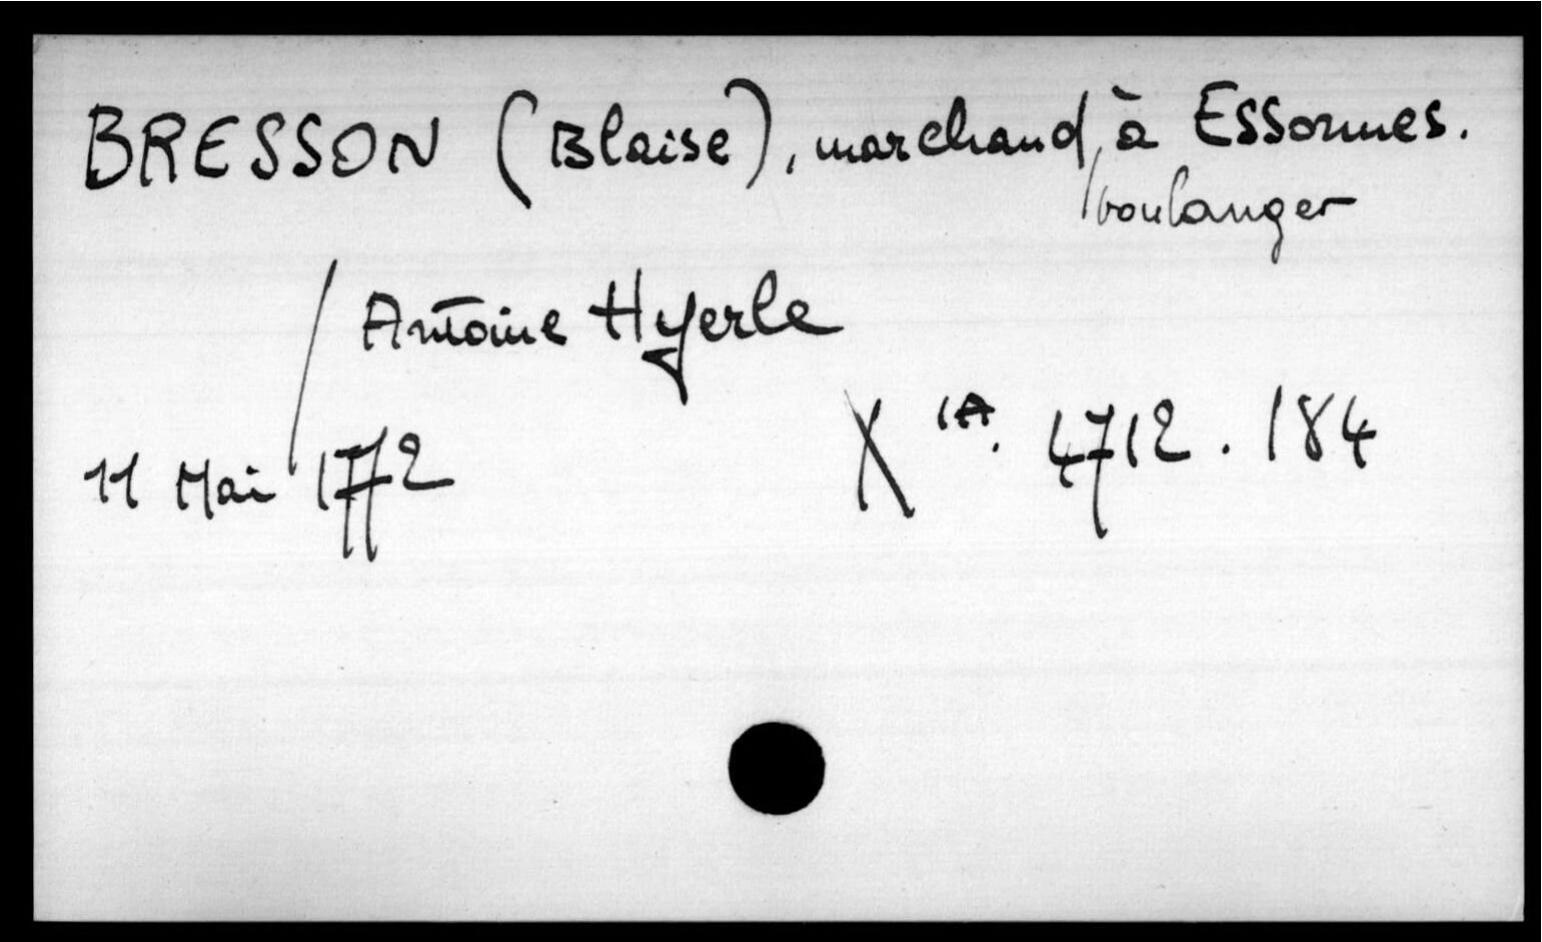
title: BRESSON (Blaise), marchand boulanger à Essomes
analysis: Contre Antoine Hyerle
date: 11 mai 1772
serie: X1A
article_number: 4712
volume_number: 184
